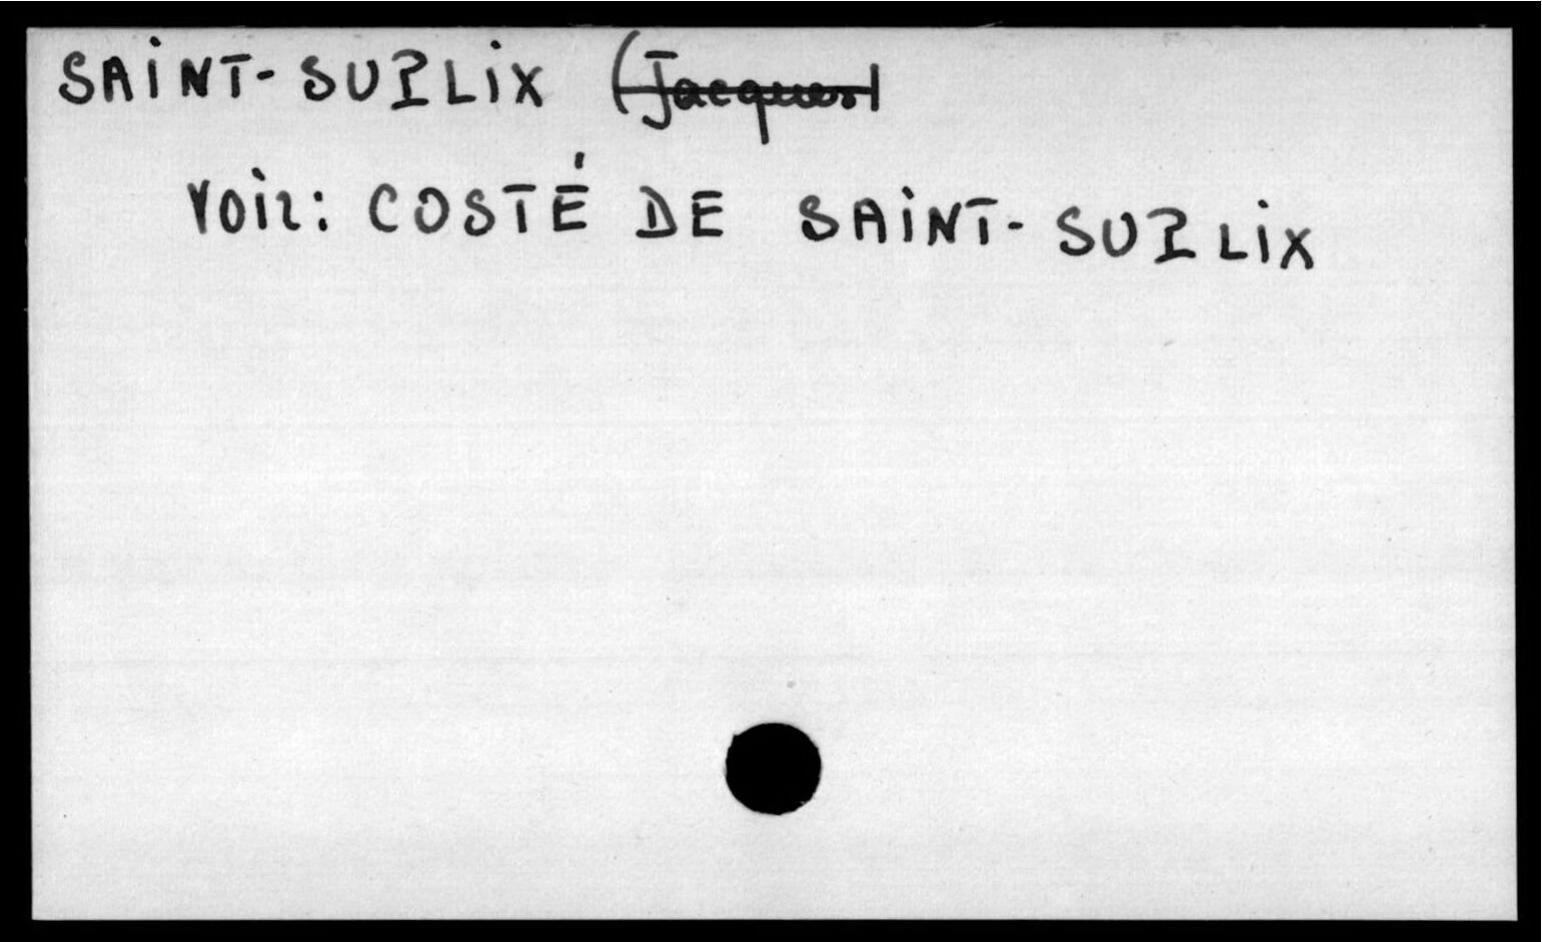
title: SAINT-SUPLIX (Jacques)
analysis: Voir : COSTÉ DE SAINT-SUPLIX
